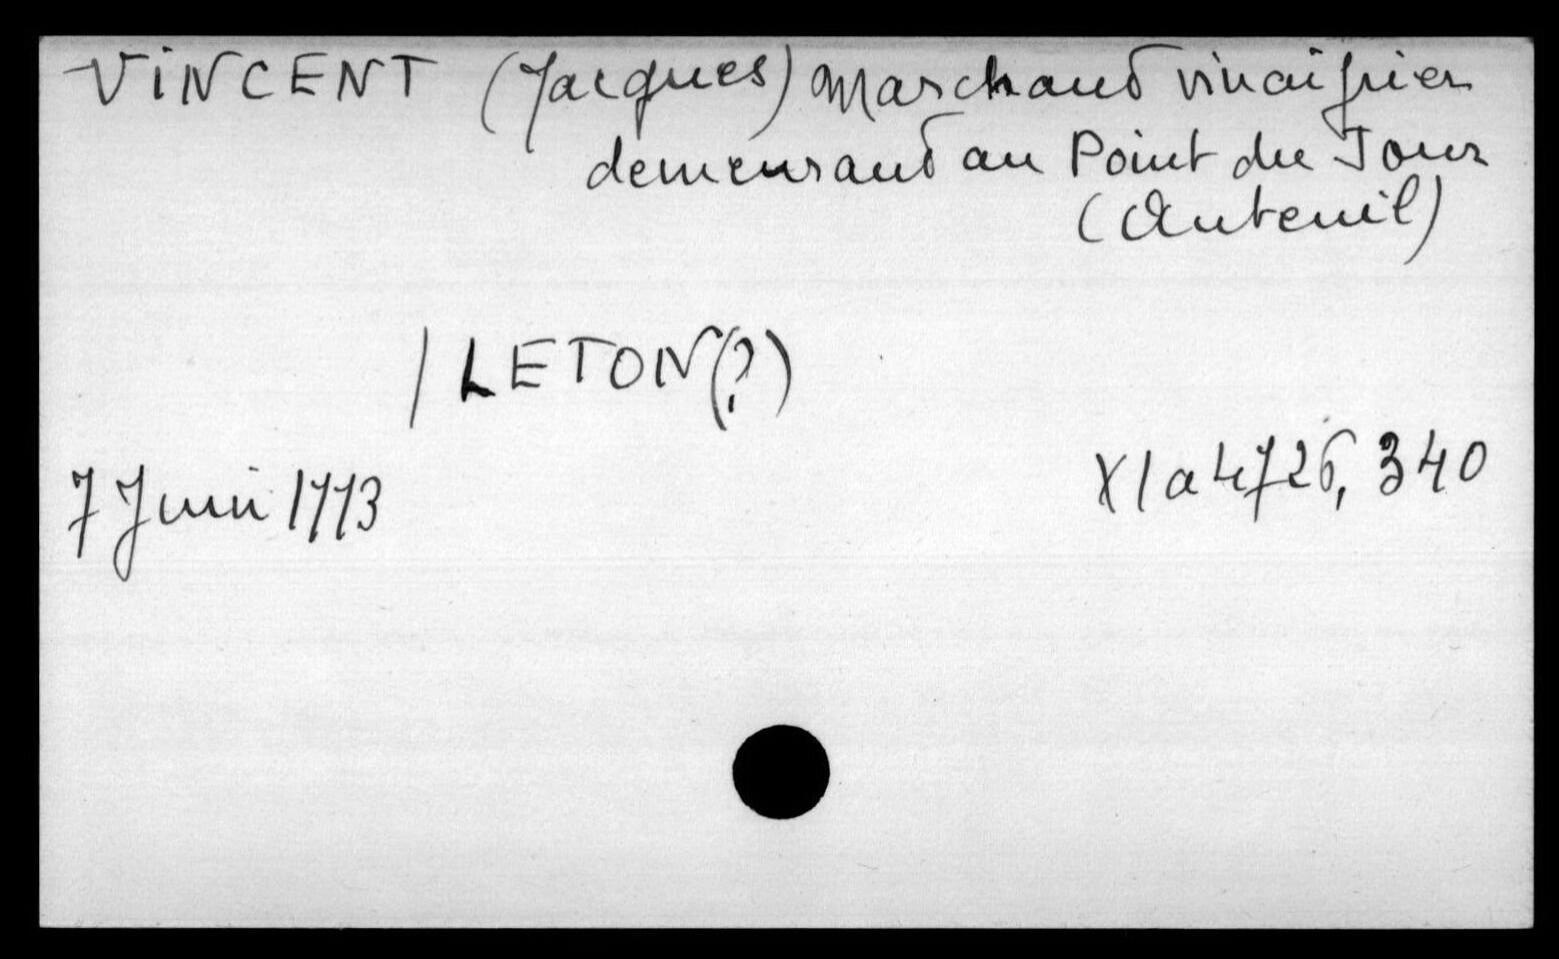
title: VINCENT (Jacques) Marchand vinaigrier demeurant au Point du Jour (Auteuil)
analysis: Contre LETON (?)
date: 7 juin 1773
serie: X1a
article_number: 4726
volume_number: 340
